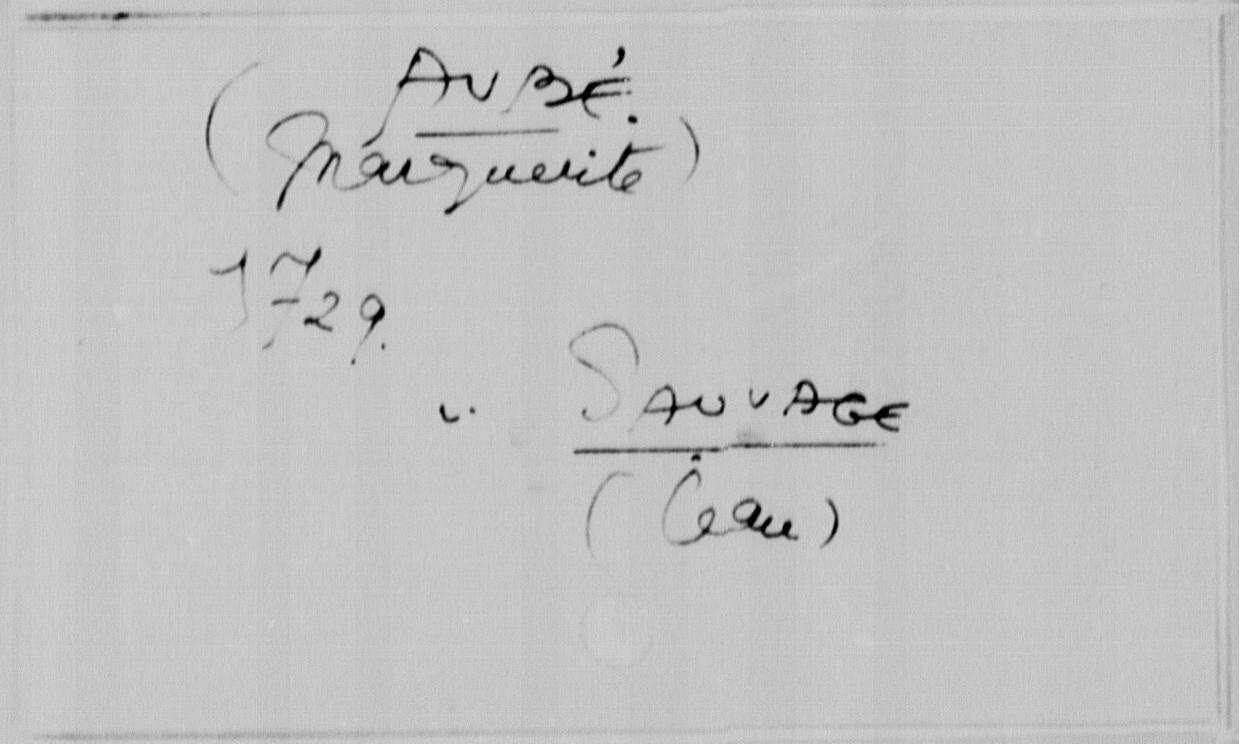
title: AUBÉ (Marguerite)
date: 1729
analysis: Voir SAUVAGE (Jean)
